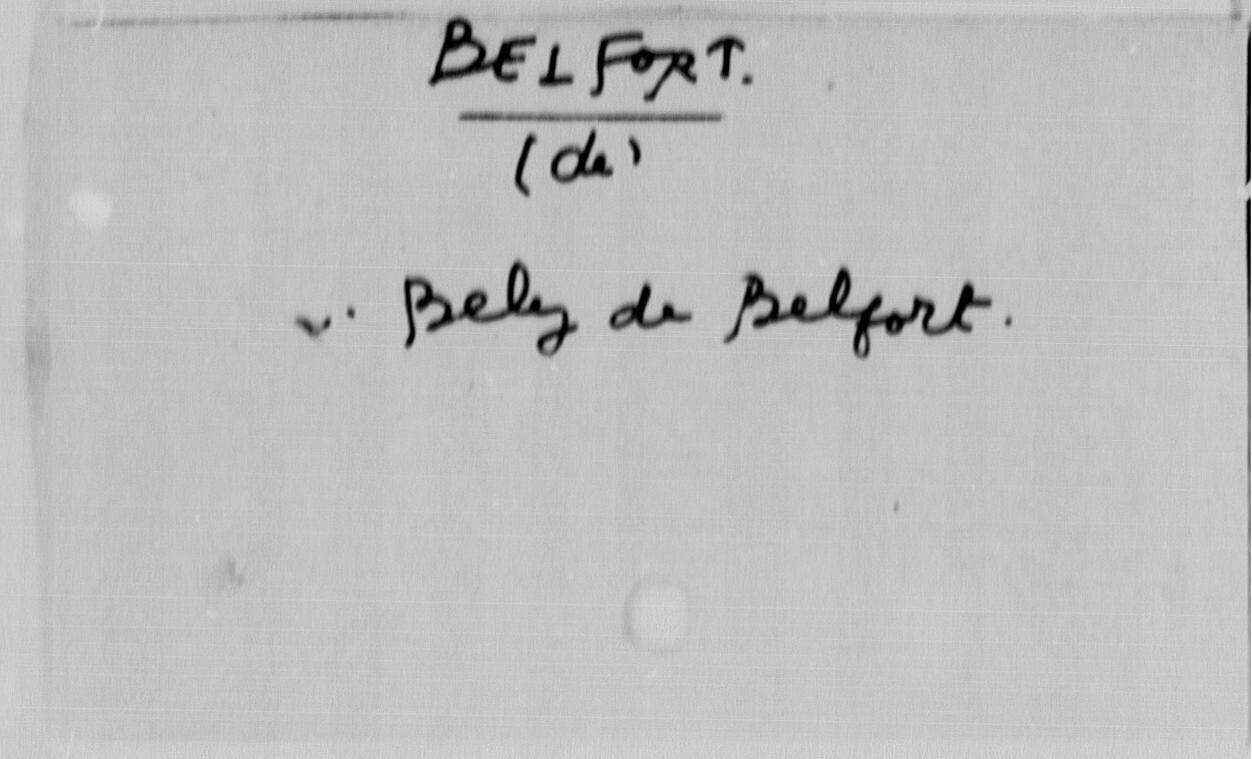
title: BELFORT (de)
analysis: Voir Bely de Belfort
